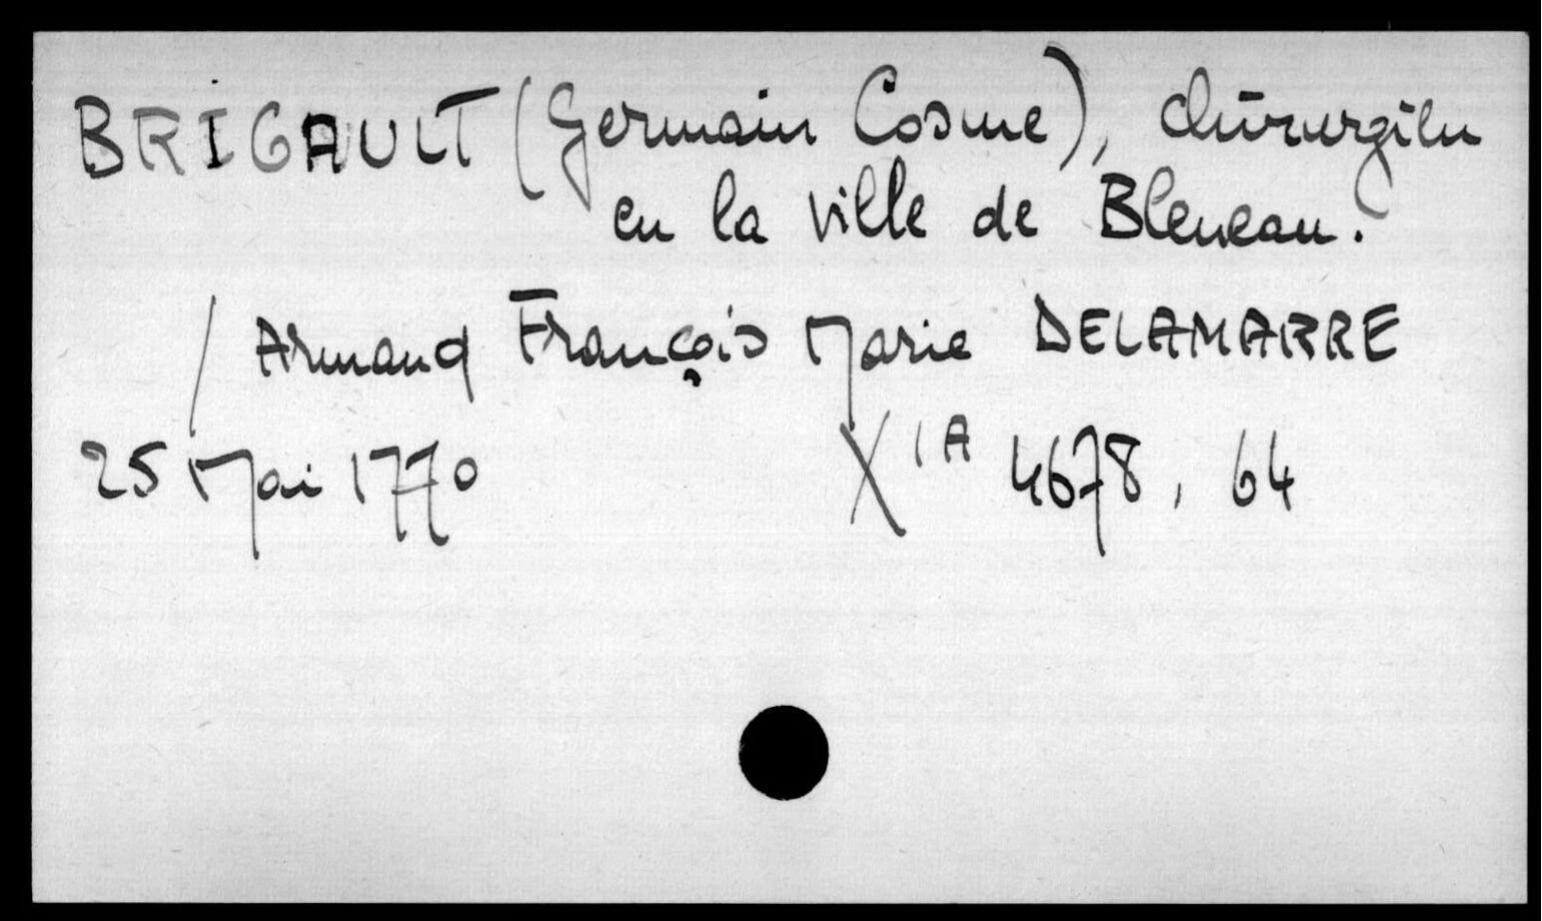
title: BRIGAULT (Germain Cosme), chirurgien en la ville de Bleneau.
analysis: Contre Armand François Marie DELAMARRE
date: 25 mai 1770
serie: X1A
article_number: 4678
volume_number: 64
